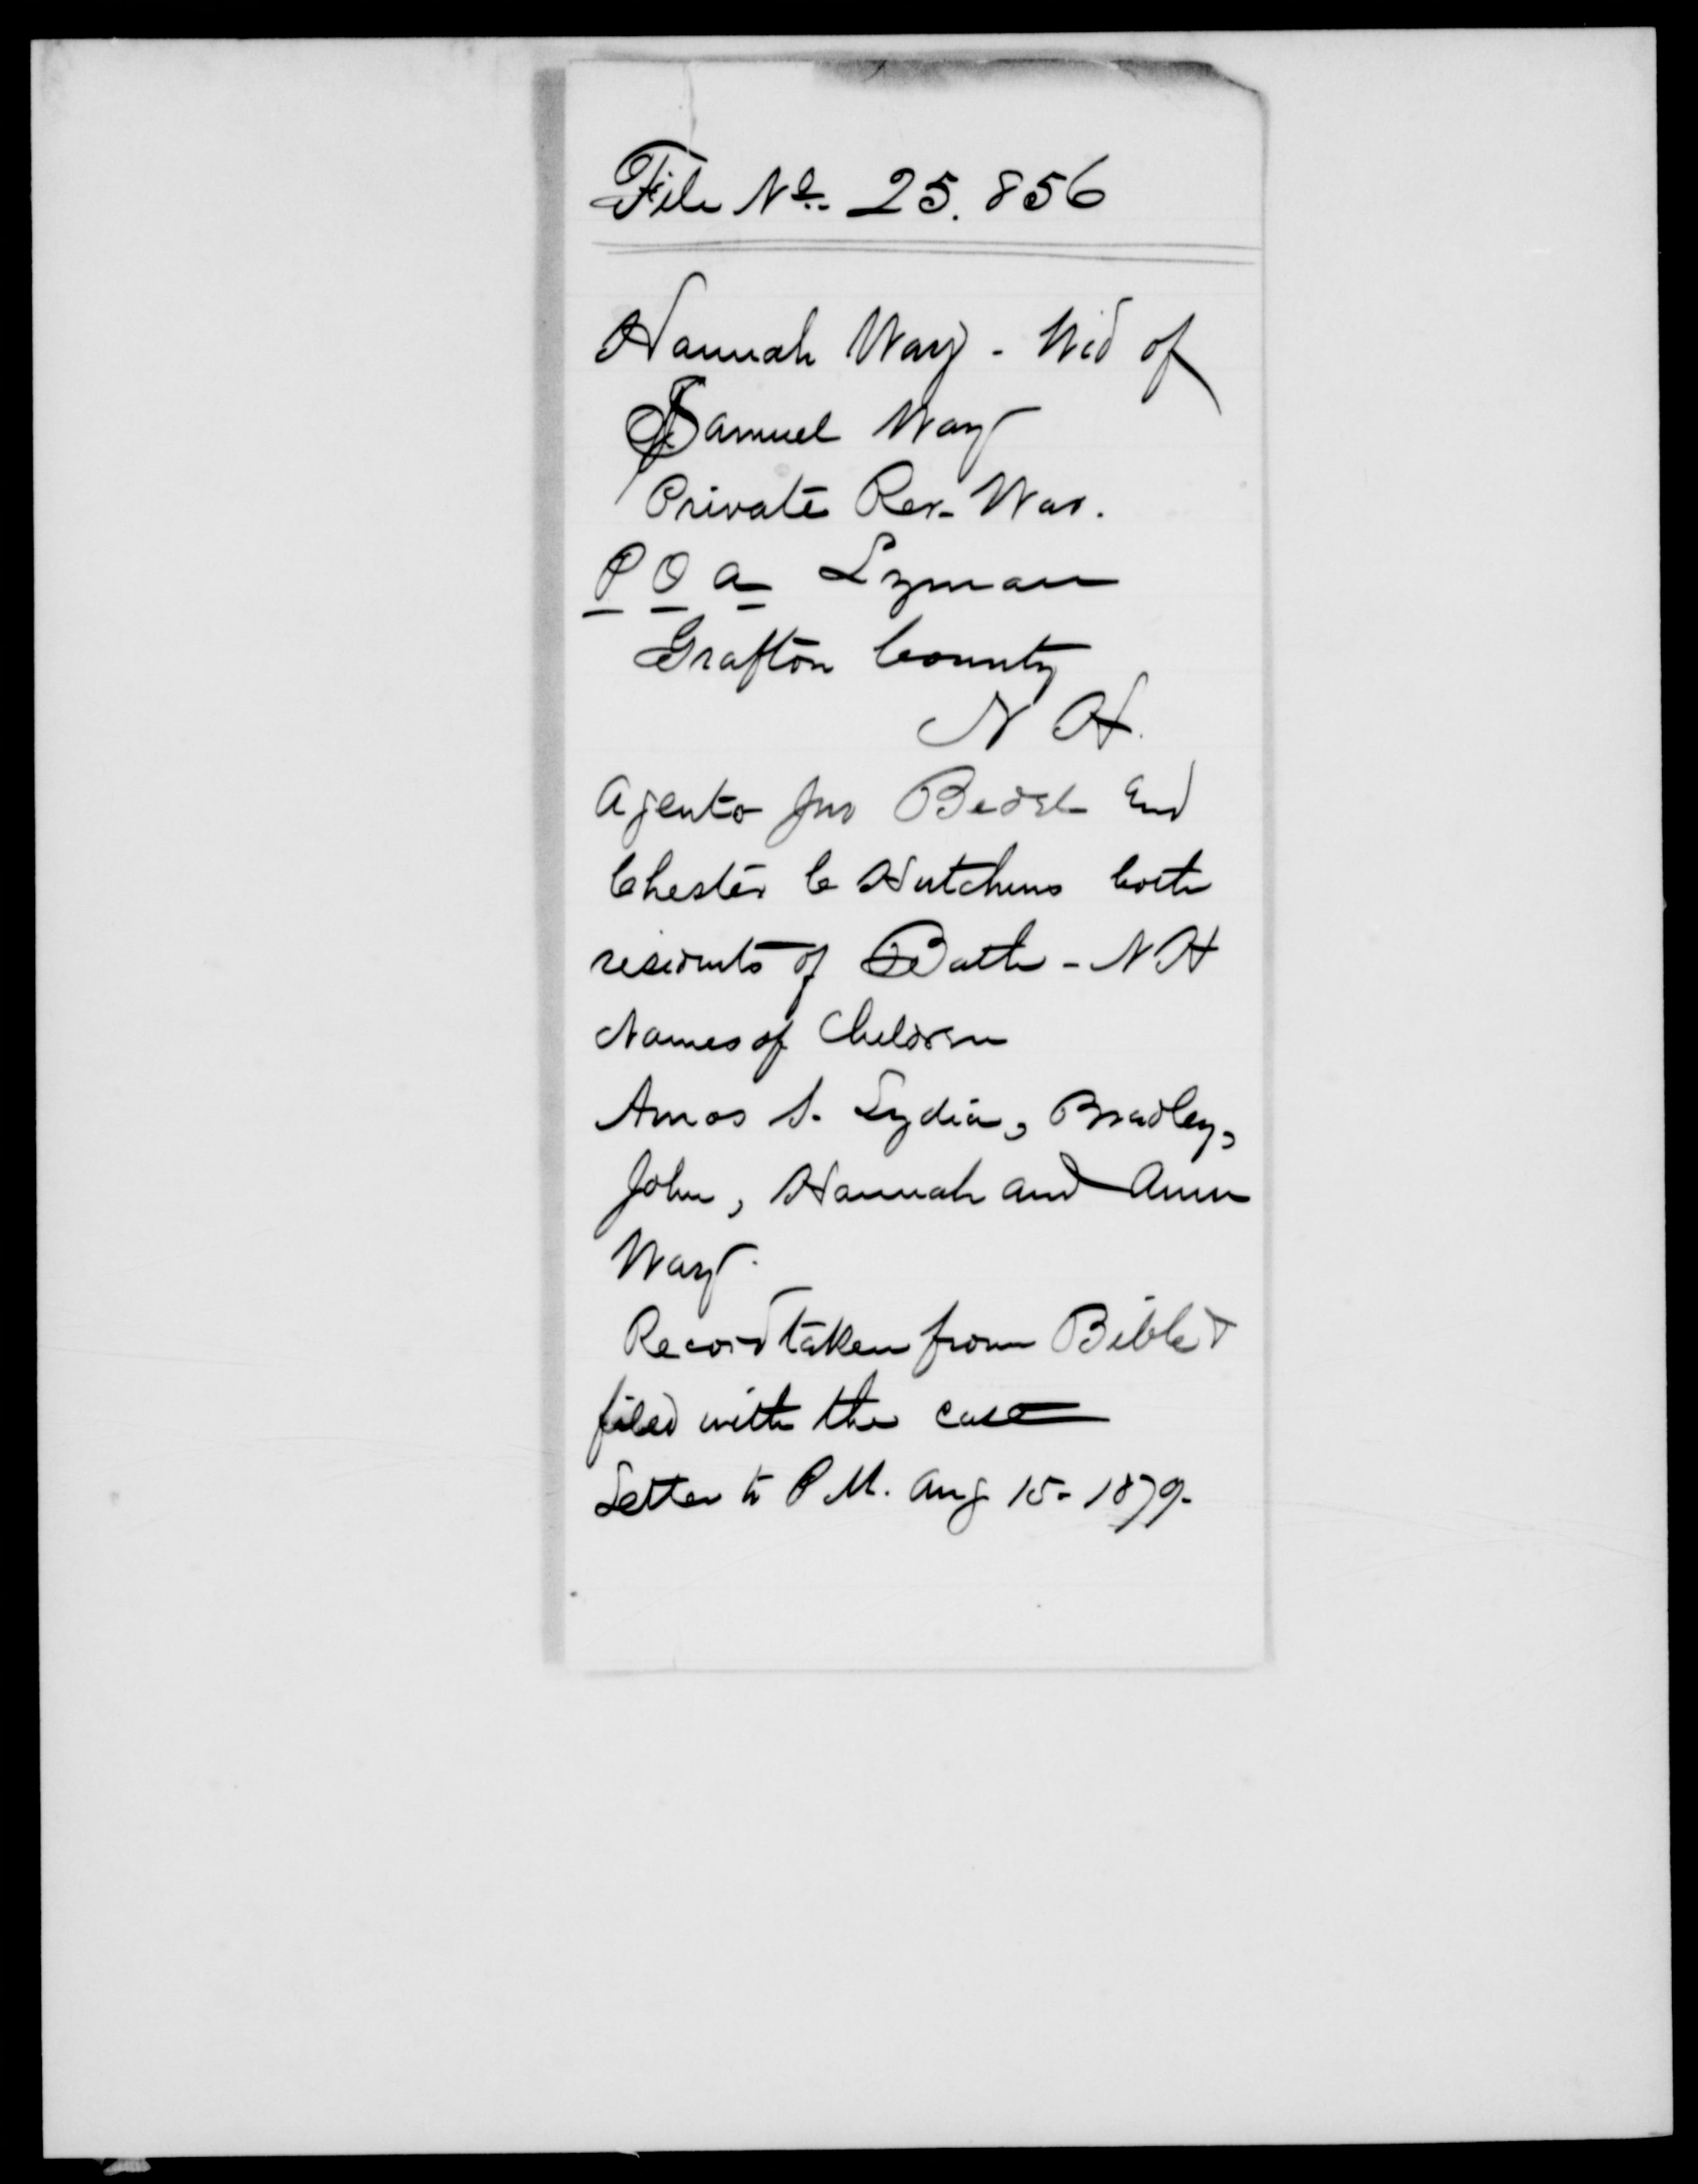File No 25.856
Hannah Way. Wid of
Samuel Way
Private Rev. War.
PO a Lyman
Grafton County
N H.
Agents Jno Bedel and
Chester C Hutchins both
residents of Bath N H
Names of Children
Amos S. Lydia, Bradley
John, Hannah and Ann
Way
Record taken from Bible &
filed with the case
Letter to P M. Aug 15. 1879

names: Jno Bedel, Lydia Way, Anne Way, John Way, Bradley Way, Hannah Way, Chester C Hutchins, Amos S Way, Samuel Way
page: 65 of 78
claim: widow's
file: W. 25856, Samuel Way, N.H.